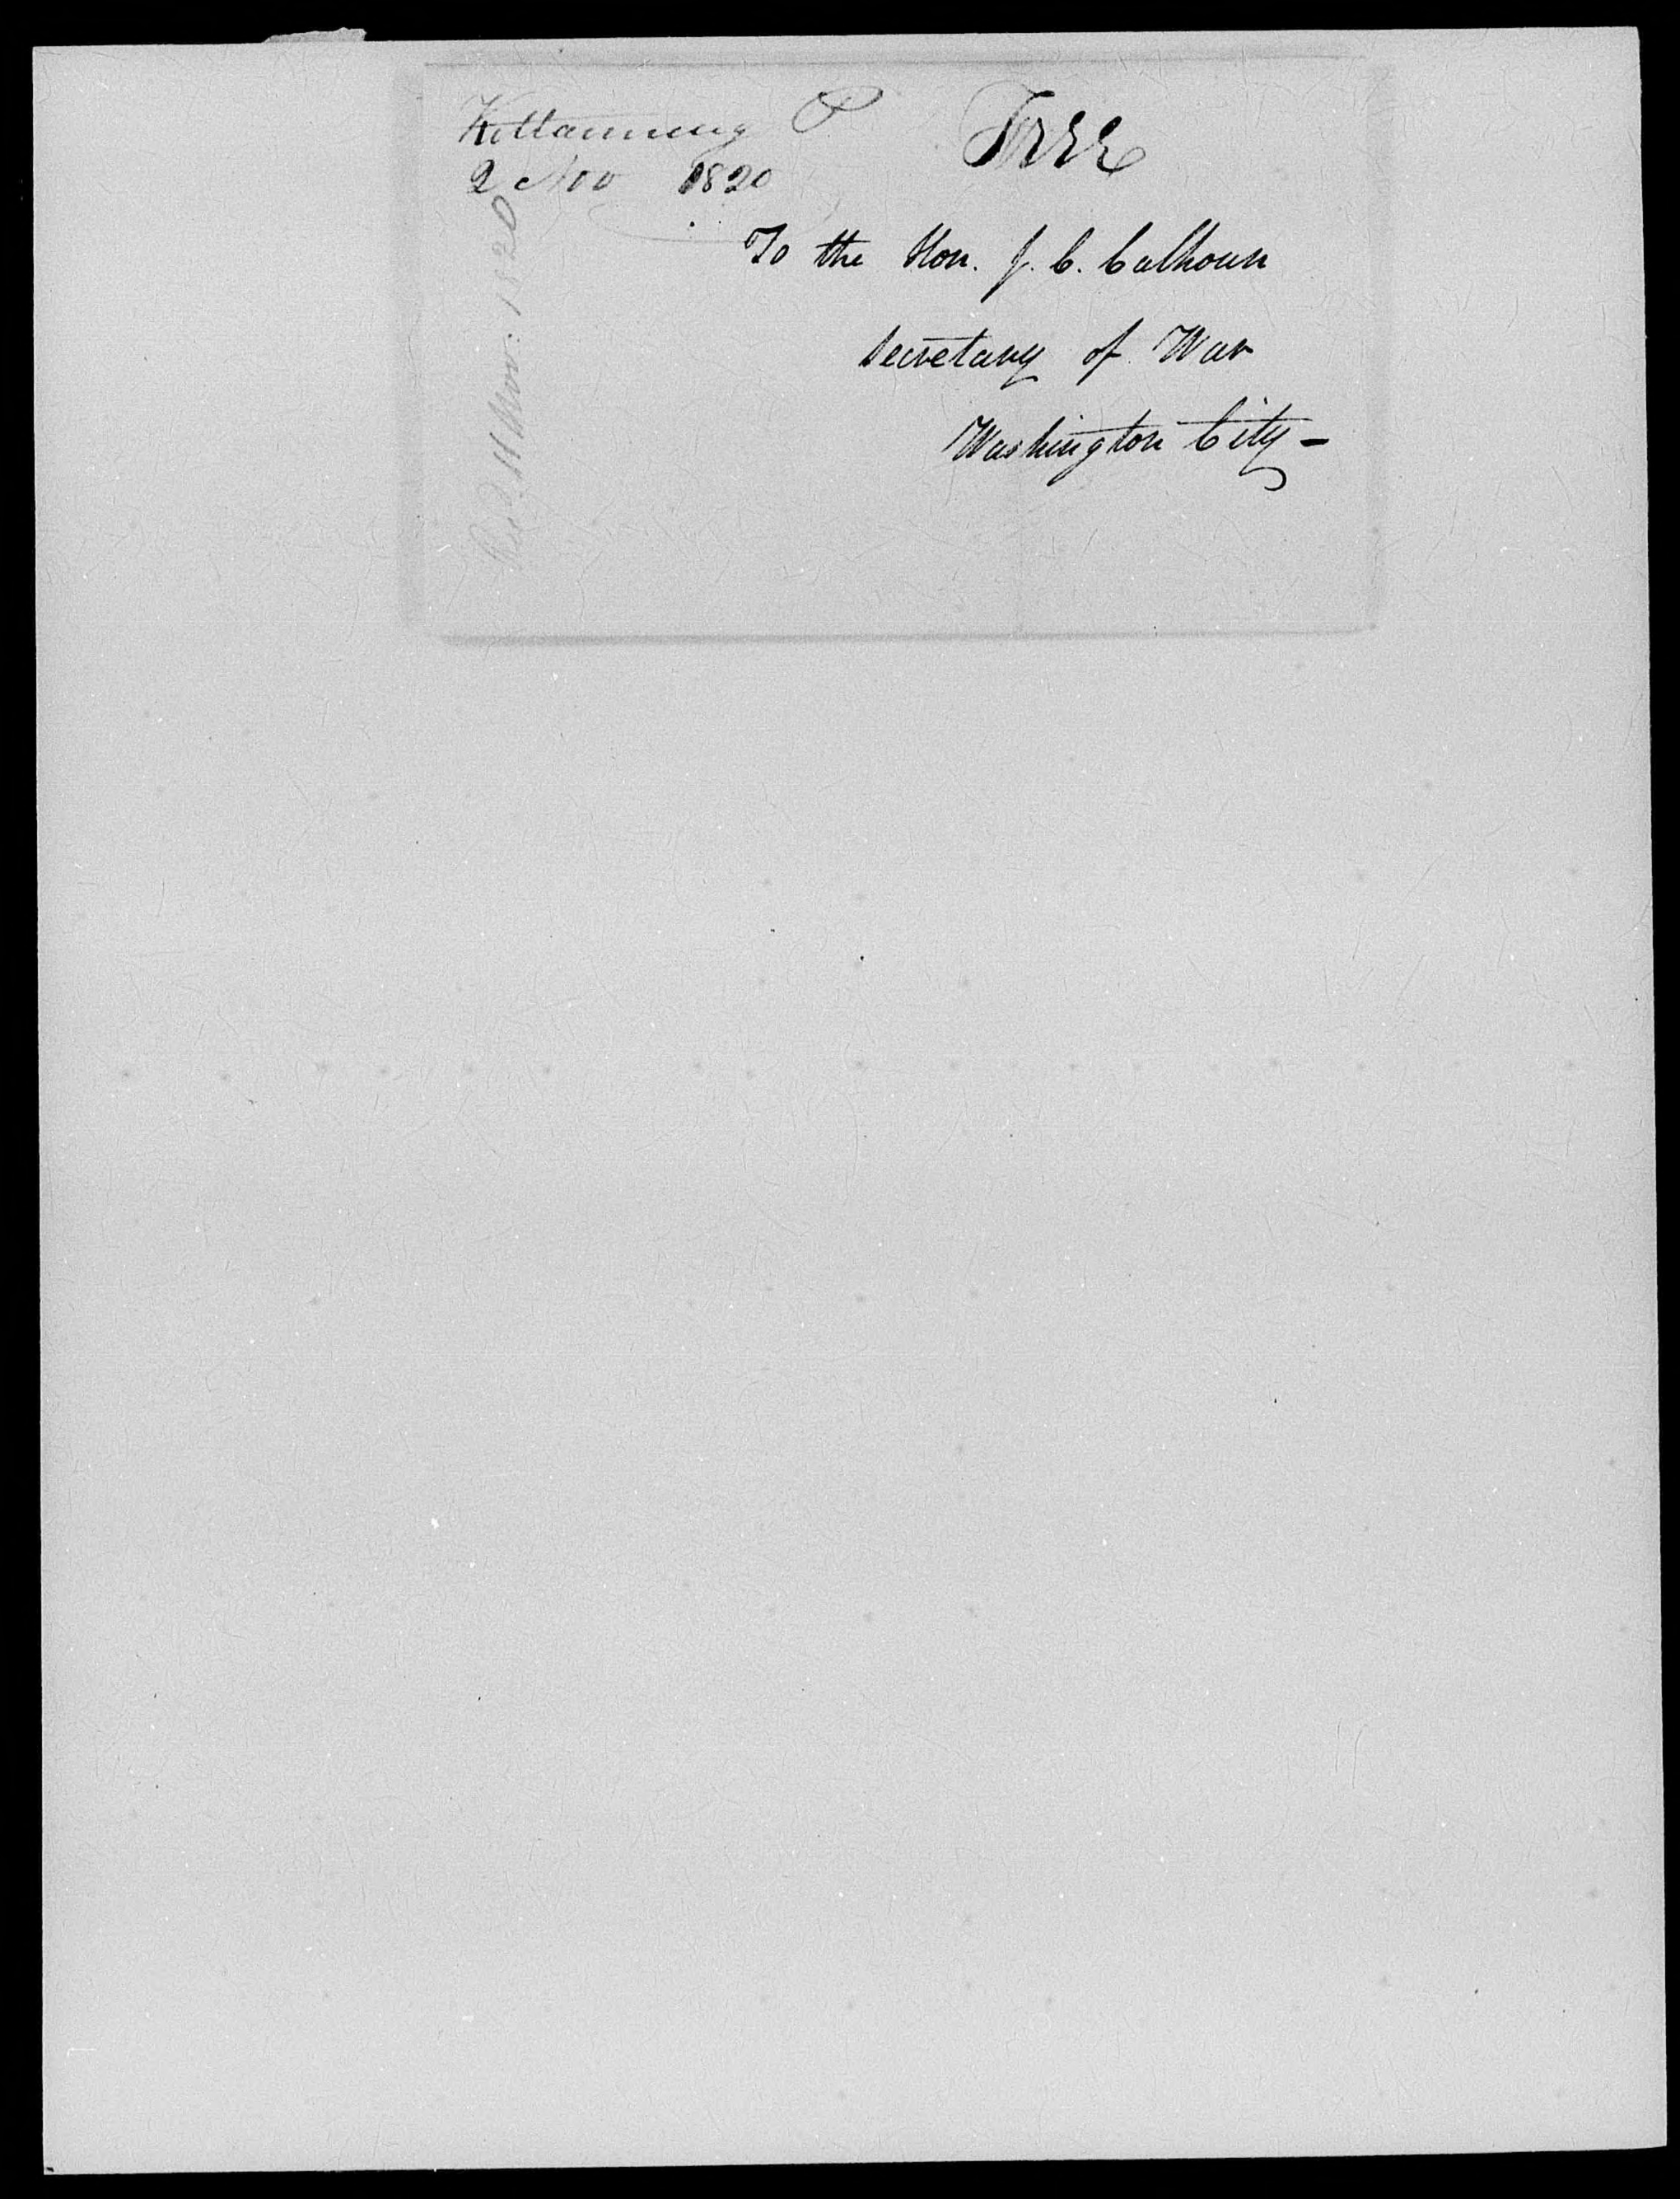Kittanning P
2 Nov 1820
To the Hon. J. C. Calhoun
Secretary of War
Washington City 


Received 11 Nov 1820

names: J C Calhoun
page: 6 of 14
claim: survivor's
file: S. 9749, for Timothy Lennonton, Pennsylvania